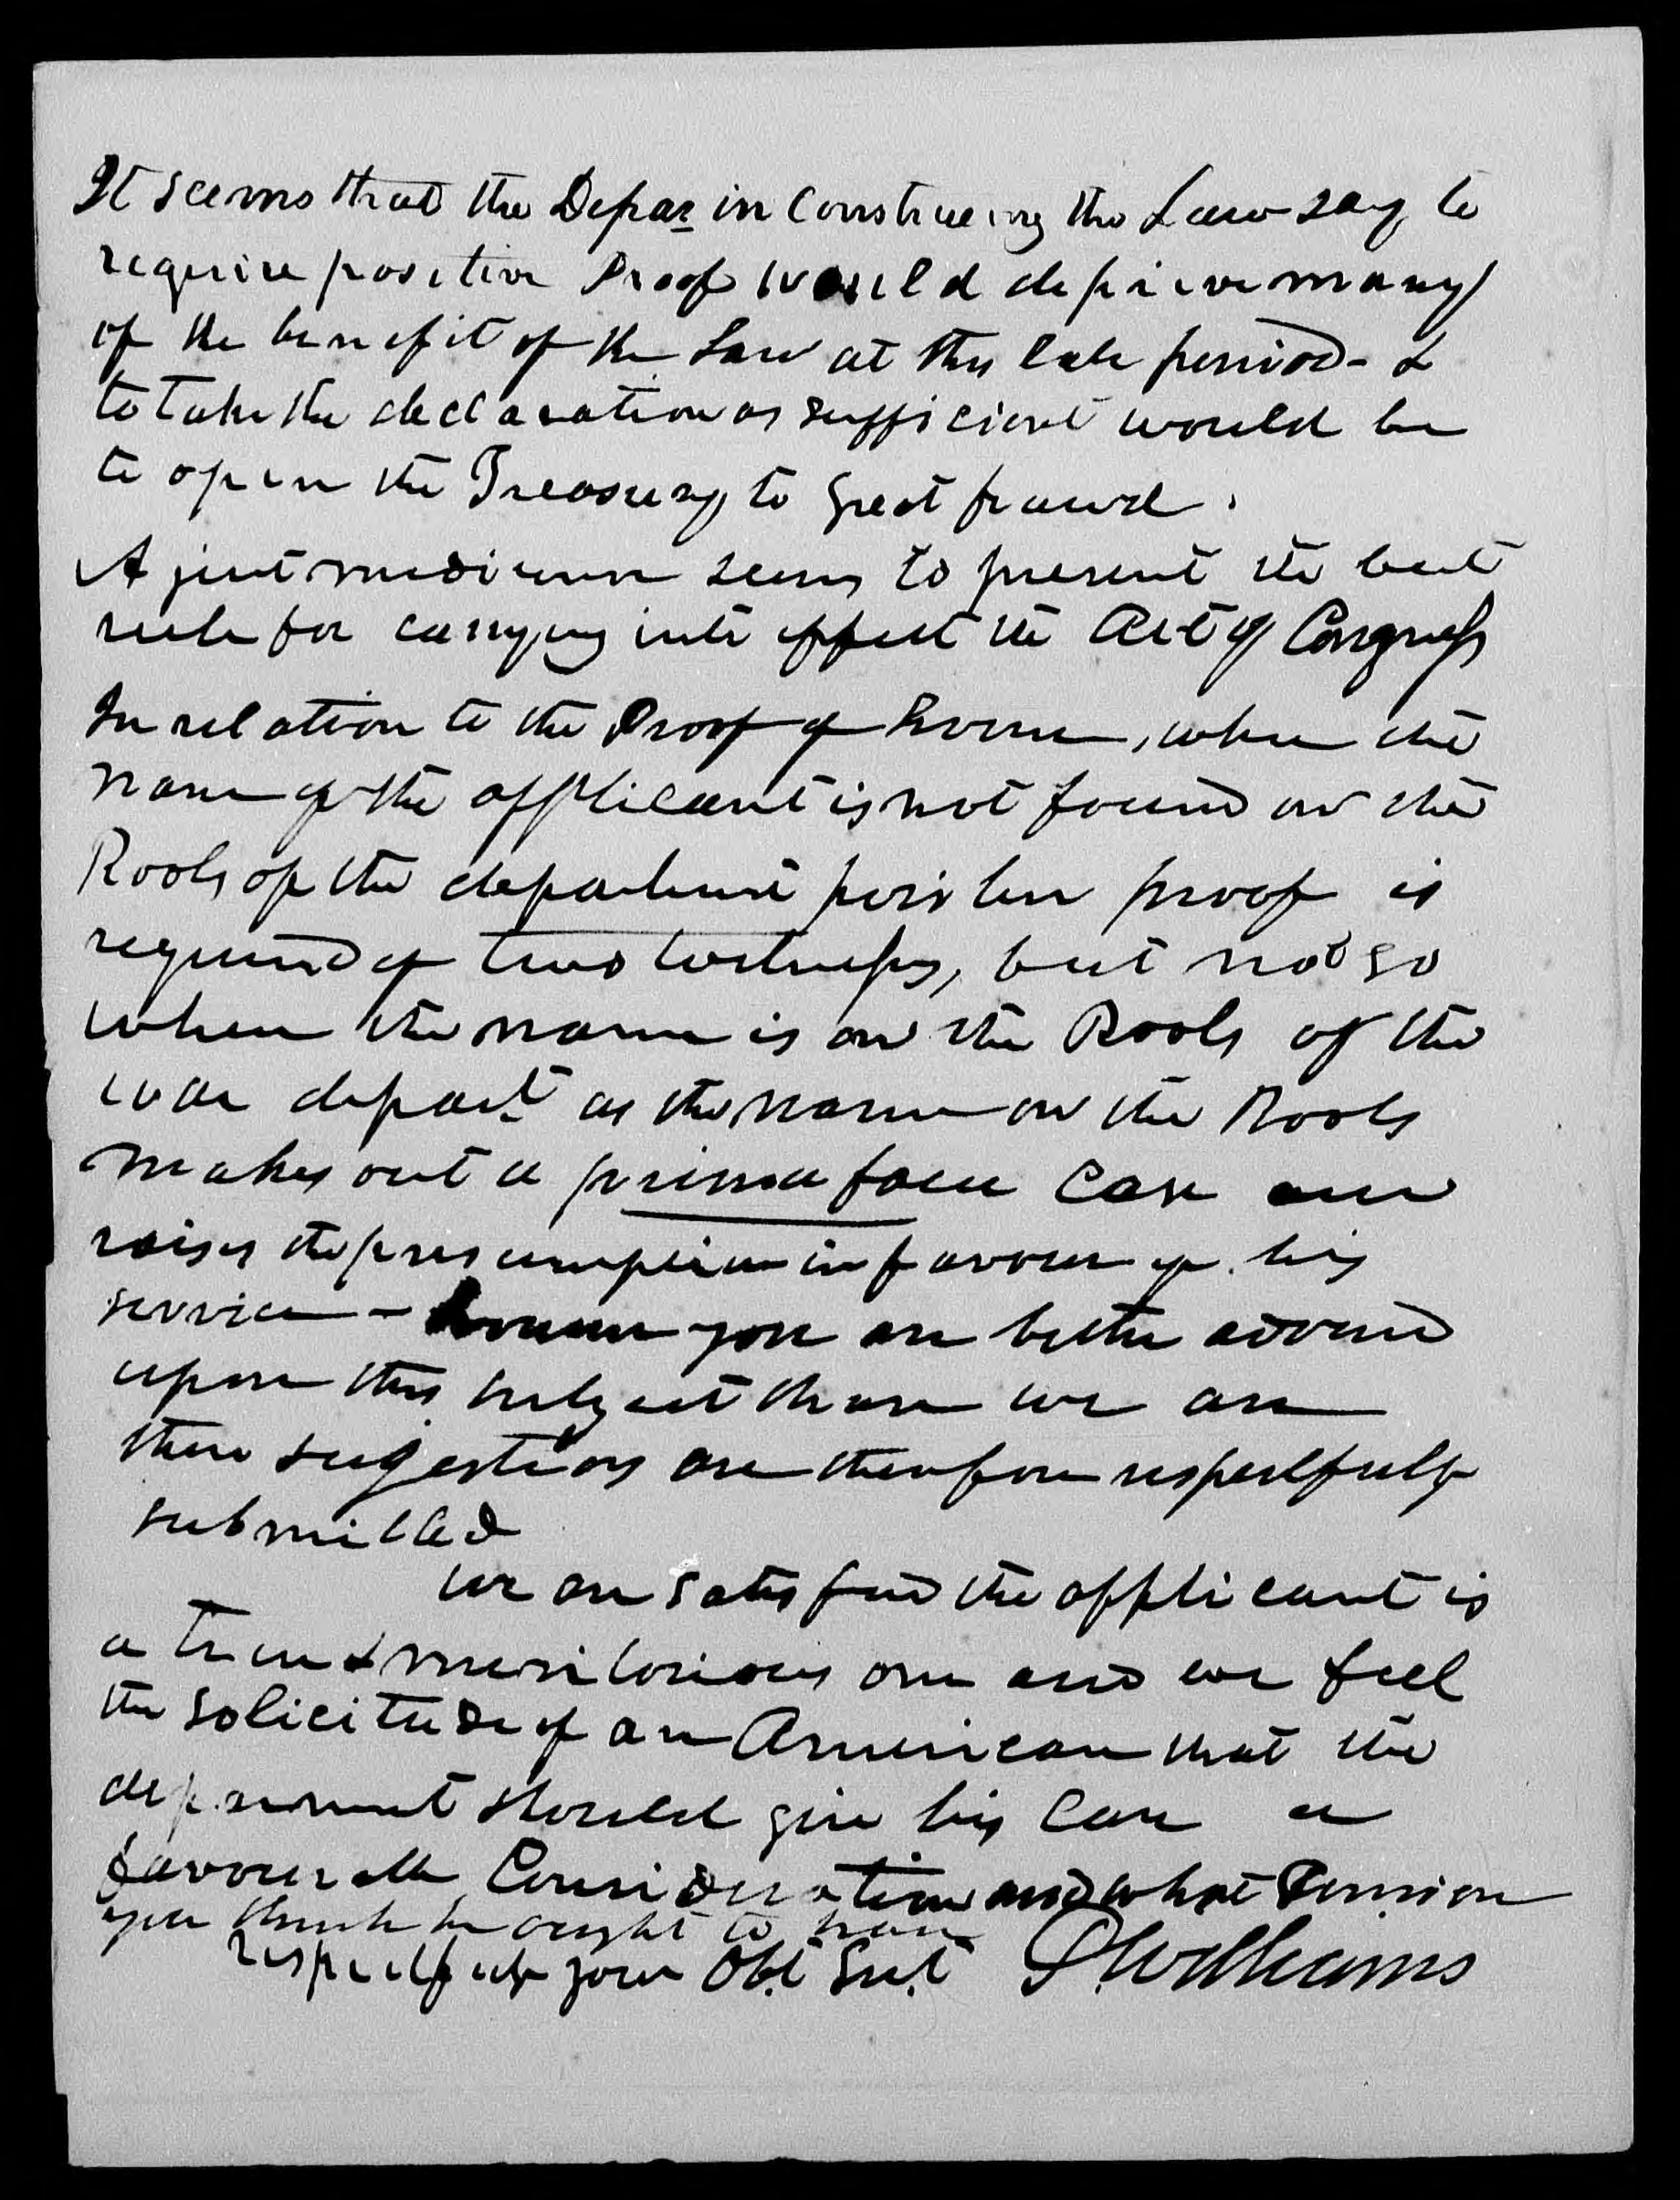It seems that Depar [department] in continueing the Law say to require positive proof would deprive many of the benefit of the Law at this late period – and to take the declaration as sufficient would be to open the treasury to great [illegible]. 
A just medium seems to present the best rule for carrying into effect the Act of Congress
In relation to the proof of service, when the name of the applicant is not found on the Rools [rolls] of the department positive proof is required of two witnesses, but not so when the man is on the Rools [rolls] of the war depart [department] as the name on the Rools [rolls] makes out a prima facie [Latin][first impression] can and [illegible] the presumption in favour of his service – [ink-blot][illegible] you an [illegible] adorned upon this [illegible] act then we are then suggestions are therefore respectfully submitted. 
We on [illegible] the applicant is a true and meritorious one and we feel the solicitude of an American that the department should give his case a favourable consideration and what pension you think he ought to have 
respectfully your Obt. [obedient] Sut. [subject] 
[signed] P Williams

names: P Williams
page: 18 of 18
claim: survivor's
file: S. 15,846, James Fugate, Va.